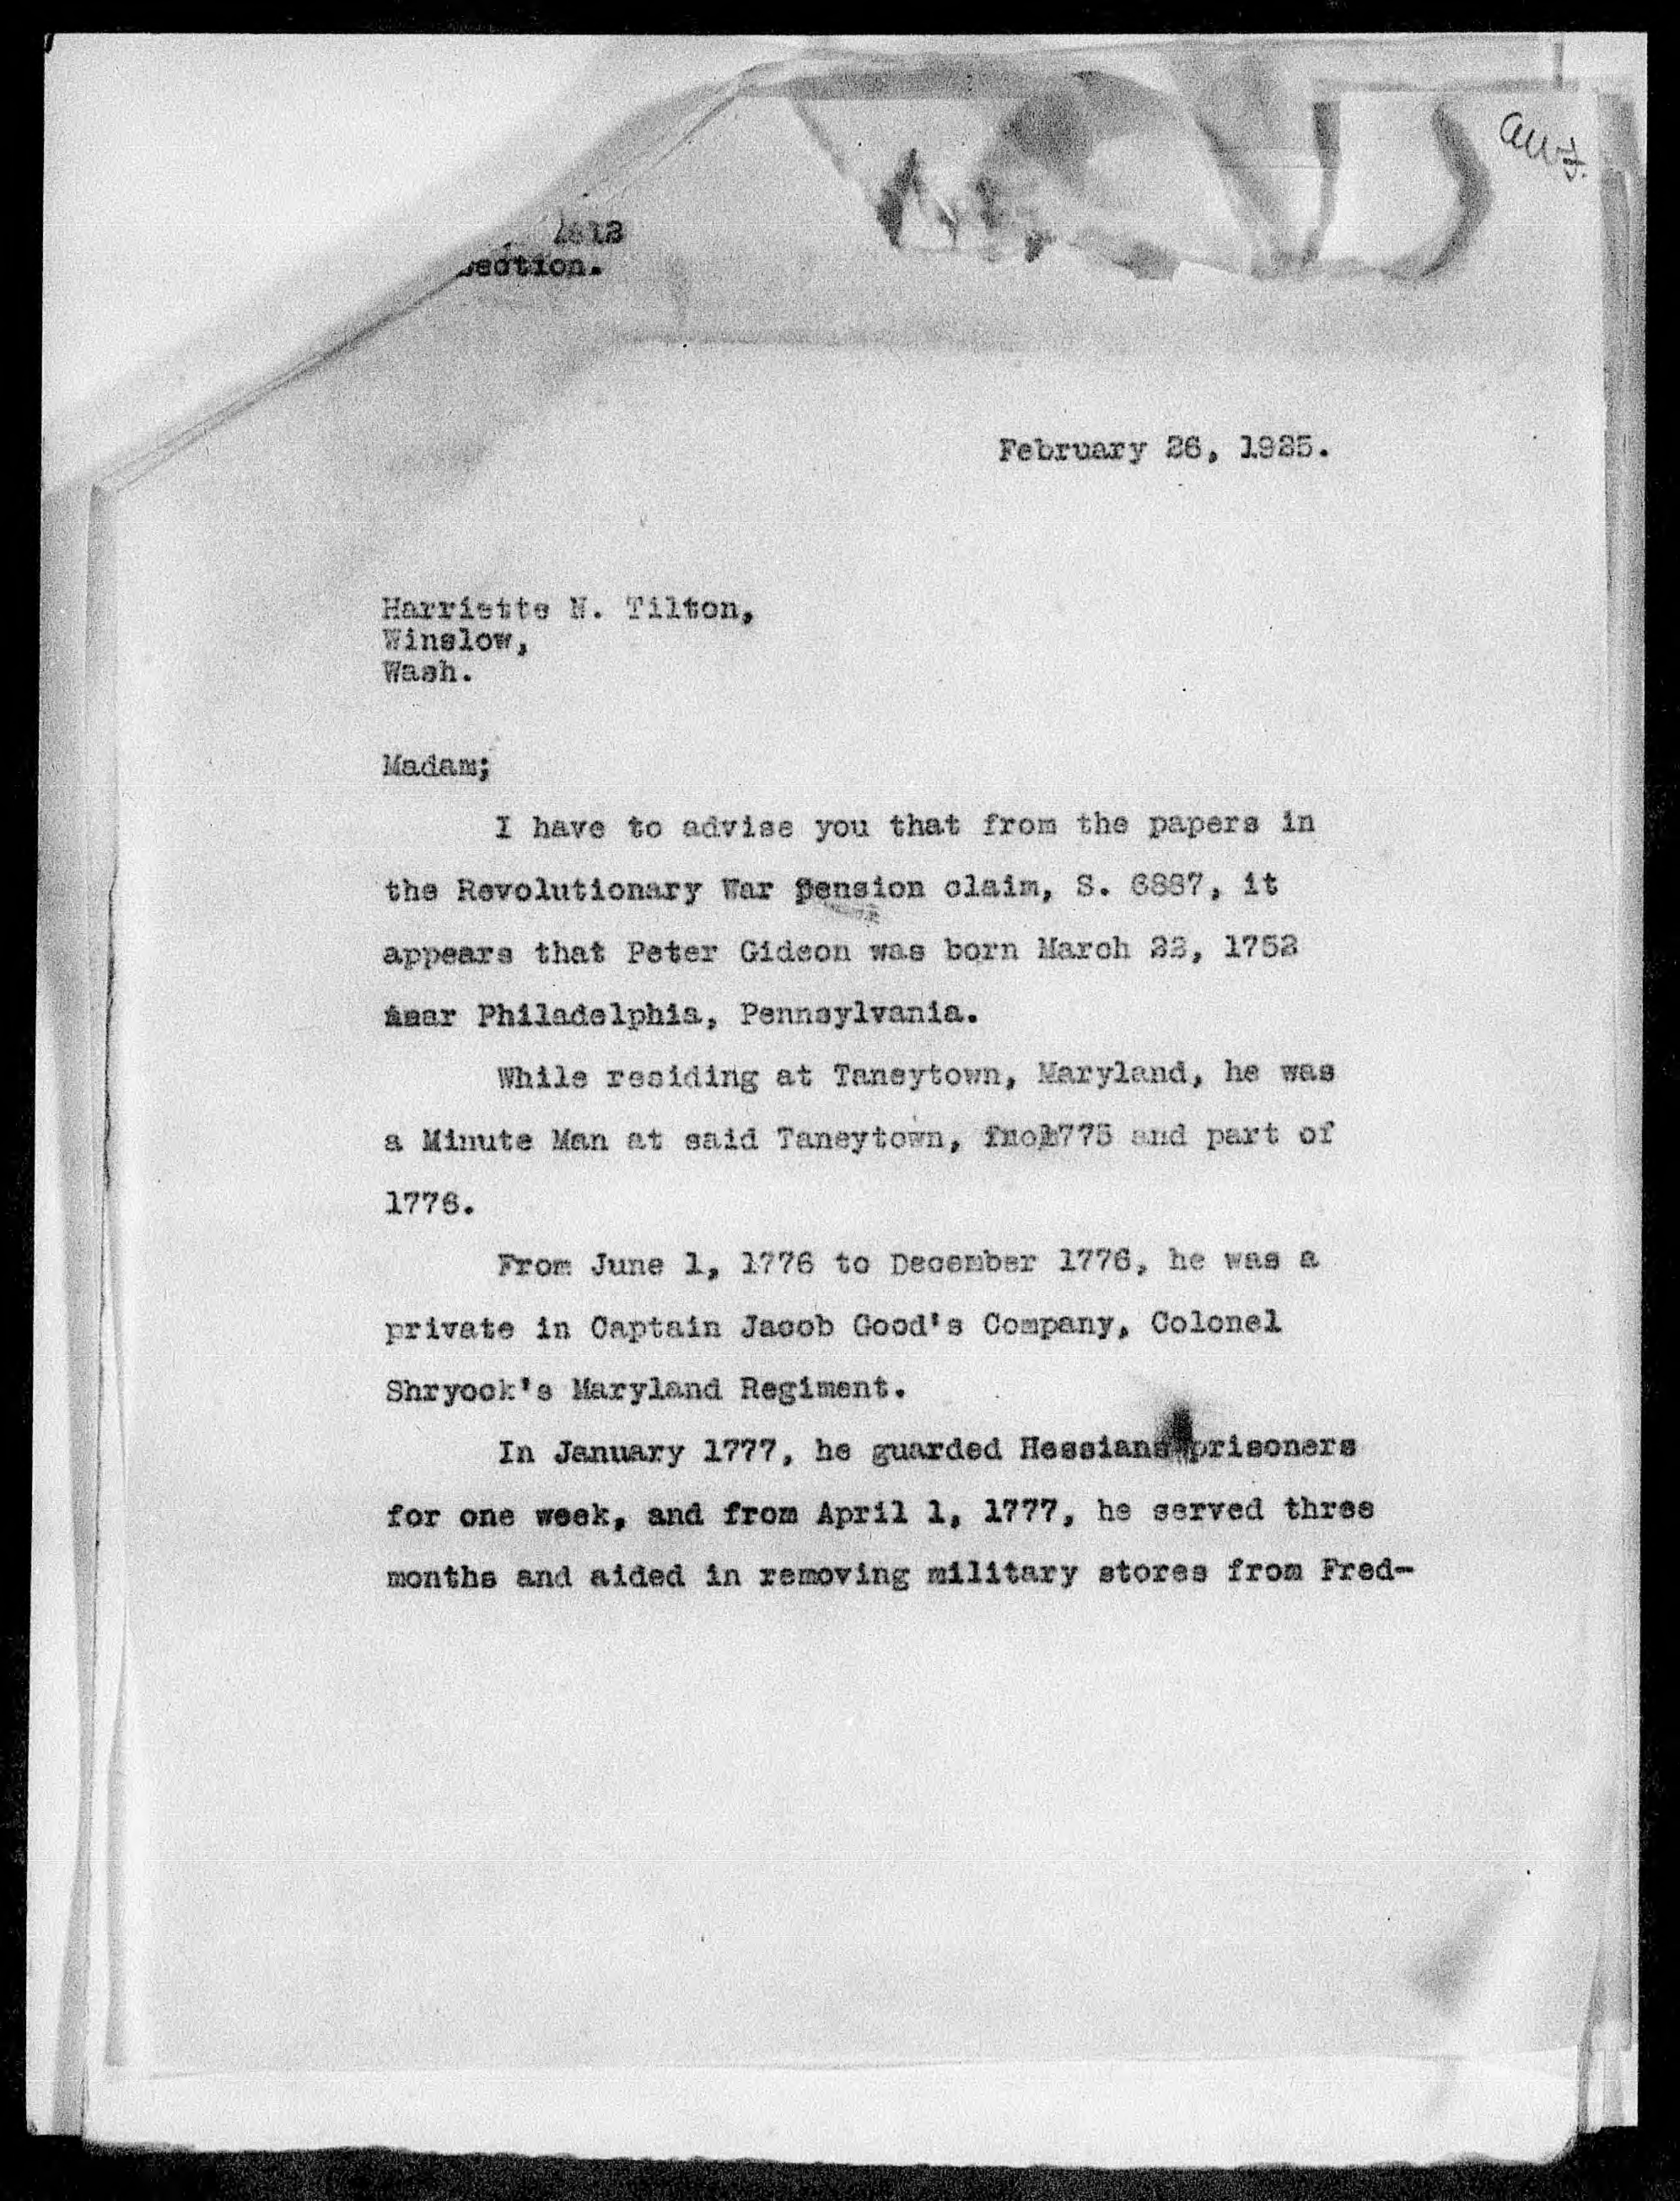February 28, 1925.

Harriette N. Tilton,
Winslow,
Wash.
Madam;

I have to advise you that from the papers in
the Revolutionary War pension claim, S. 6887, it
appears that Peter Gideon was born March 22, 1752 near Philadelphia, Pennsylvania.
While residing at Taneytown, Maryland, he was a Minute Man at said Taneytown, 1775 and part of 1776.
From June 1, 1776 to December 1776, he was a
private in Captain Jacob Good's Company, Colonel
Shryock's Maryland Regiment.
In January 1777, he guarded Hessian prisoners
for one week, and from April 1, 1777, he served three months and aided in removing military stores from Fredricksburg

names: Harriette N Tilton, Peter Gideon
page: 61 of 64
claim: survivor's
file: S. 6887, Peter Gideon, Md.